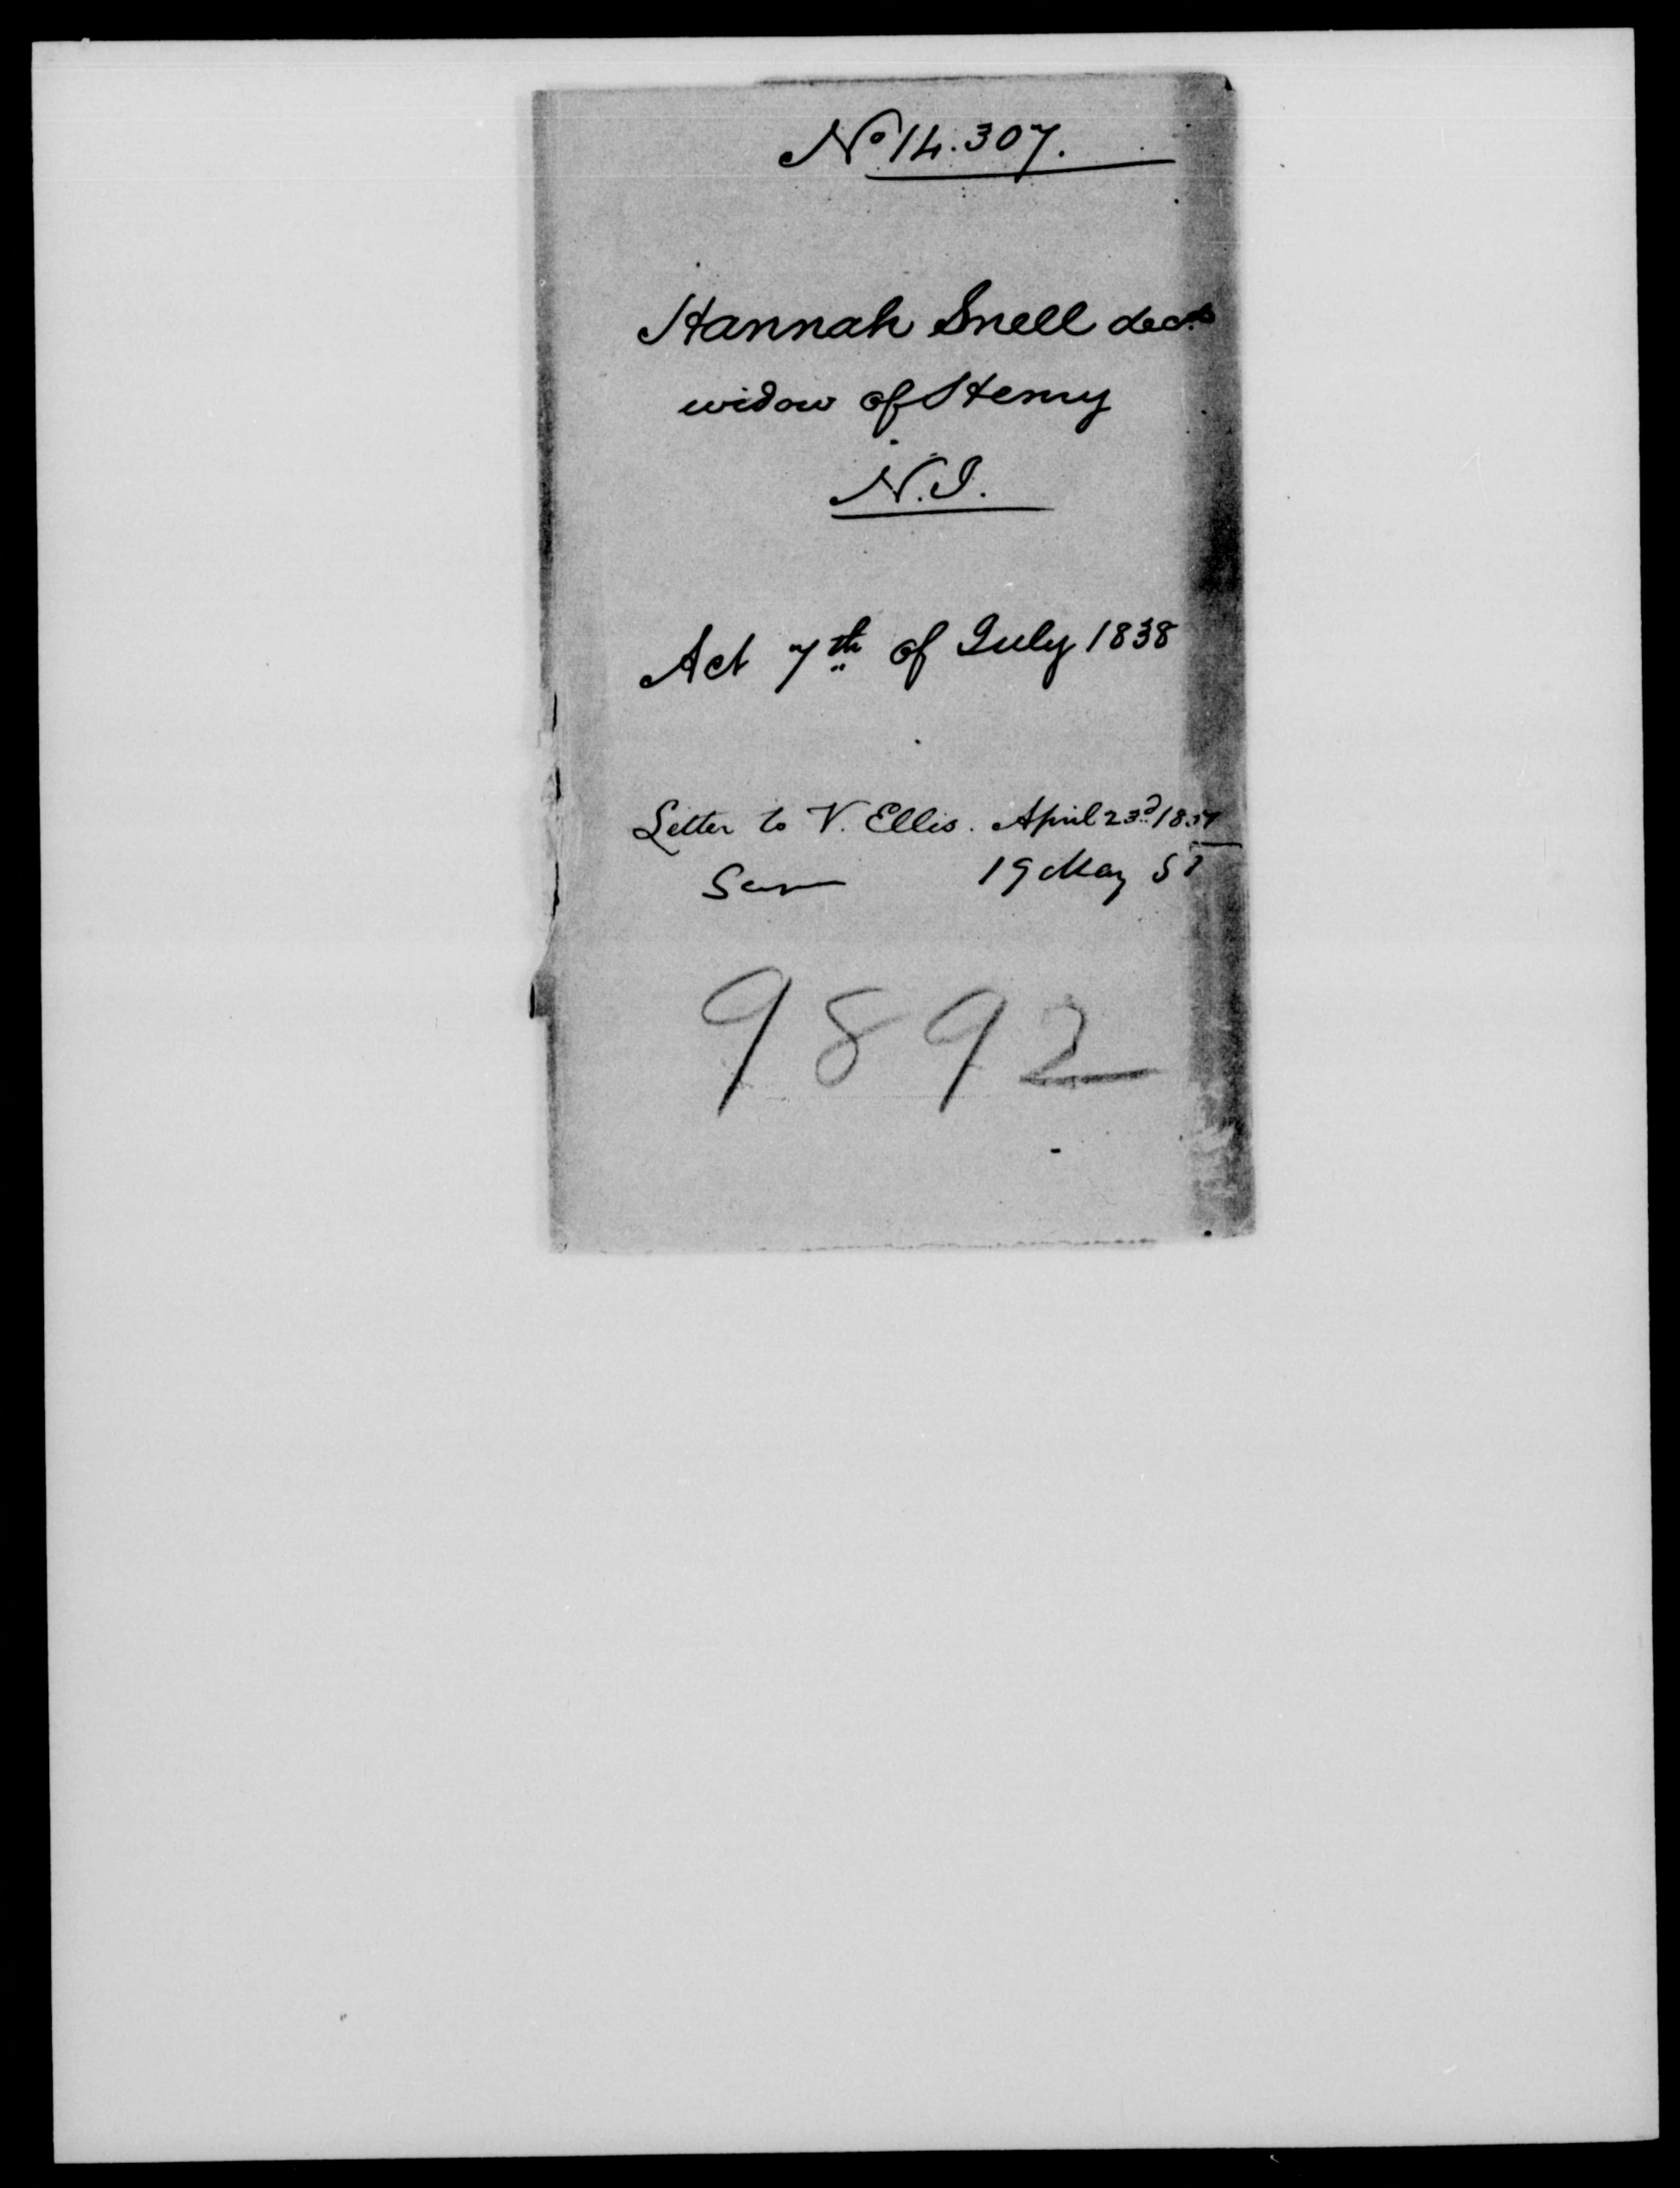No 14.307

Hannah Snell decs
widow of Henry
N.J.

Act 7th of July 1838

Letter to V. Ellis April 23d 1837
[illegible]. 19 May [illegible]

9892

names: V Ellis; Hannah Snell; Henry Snell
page: 26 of 27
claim: rejected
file: R. 9,892, for Henry Snell, New Jersey